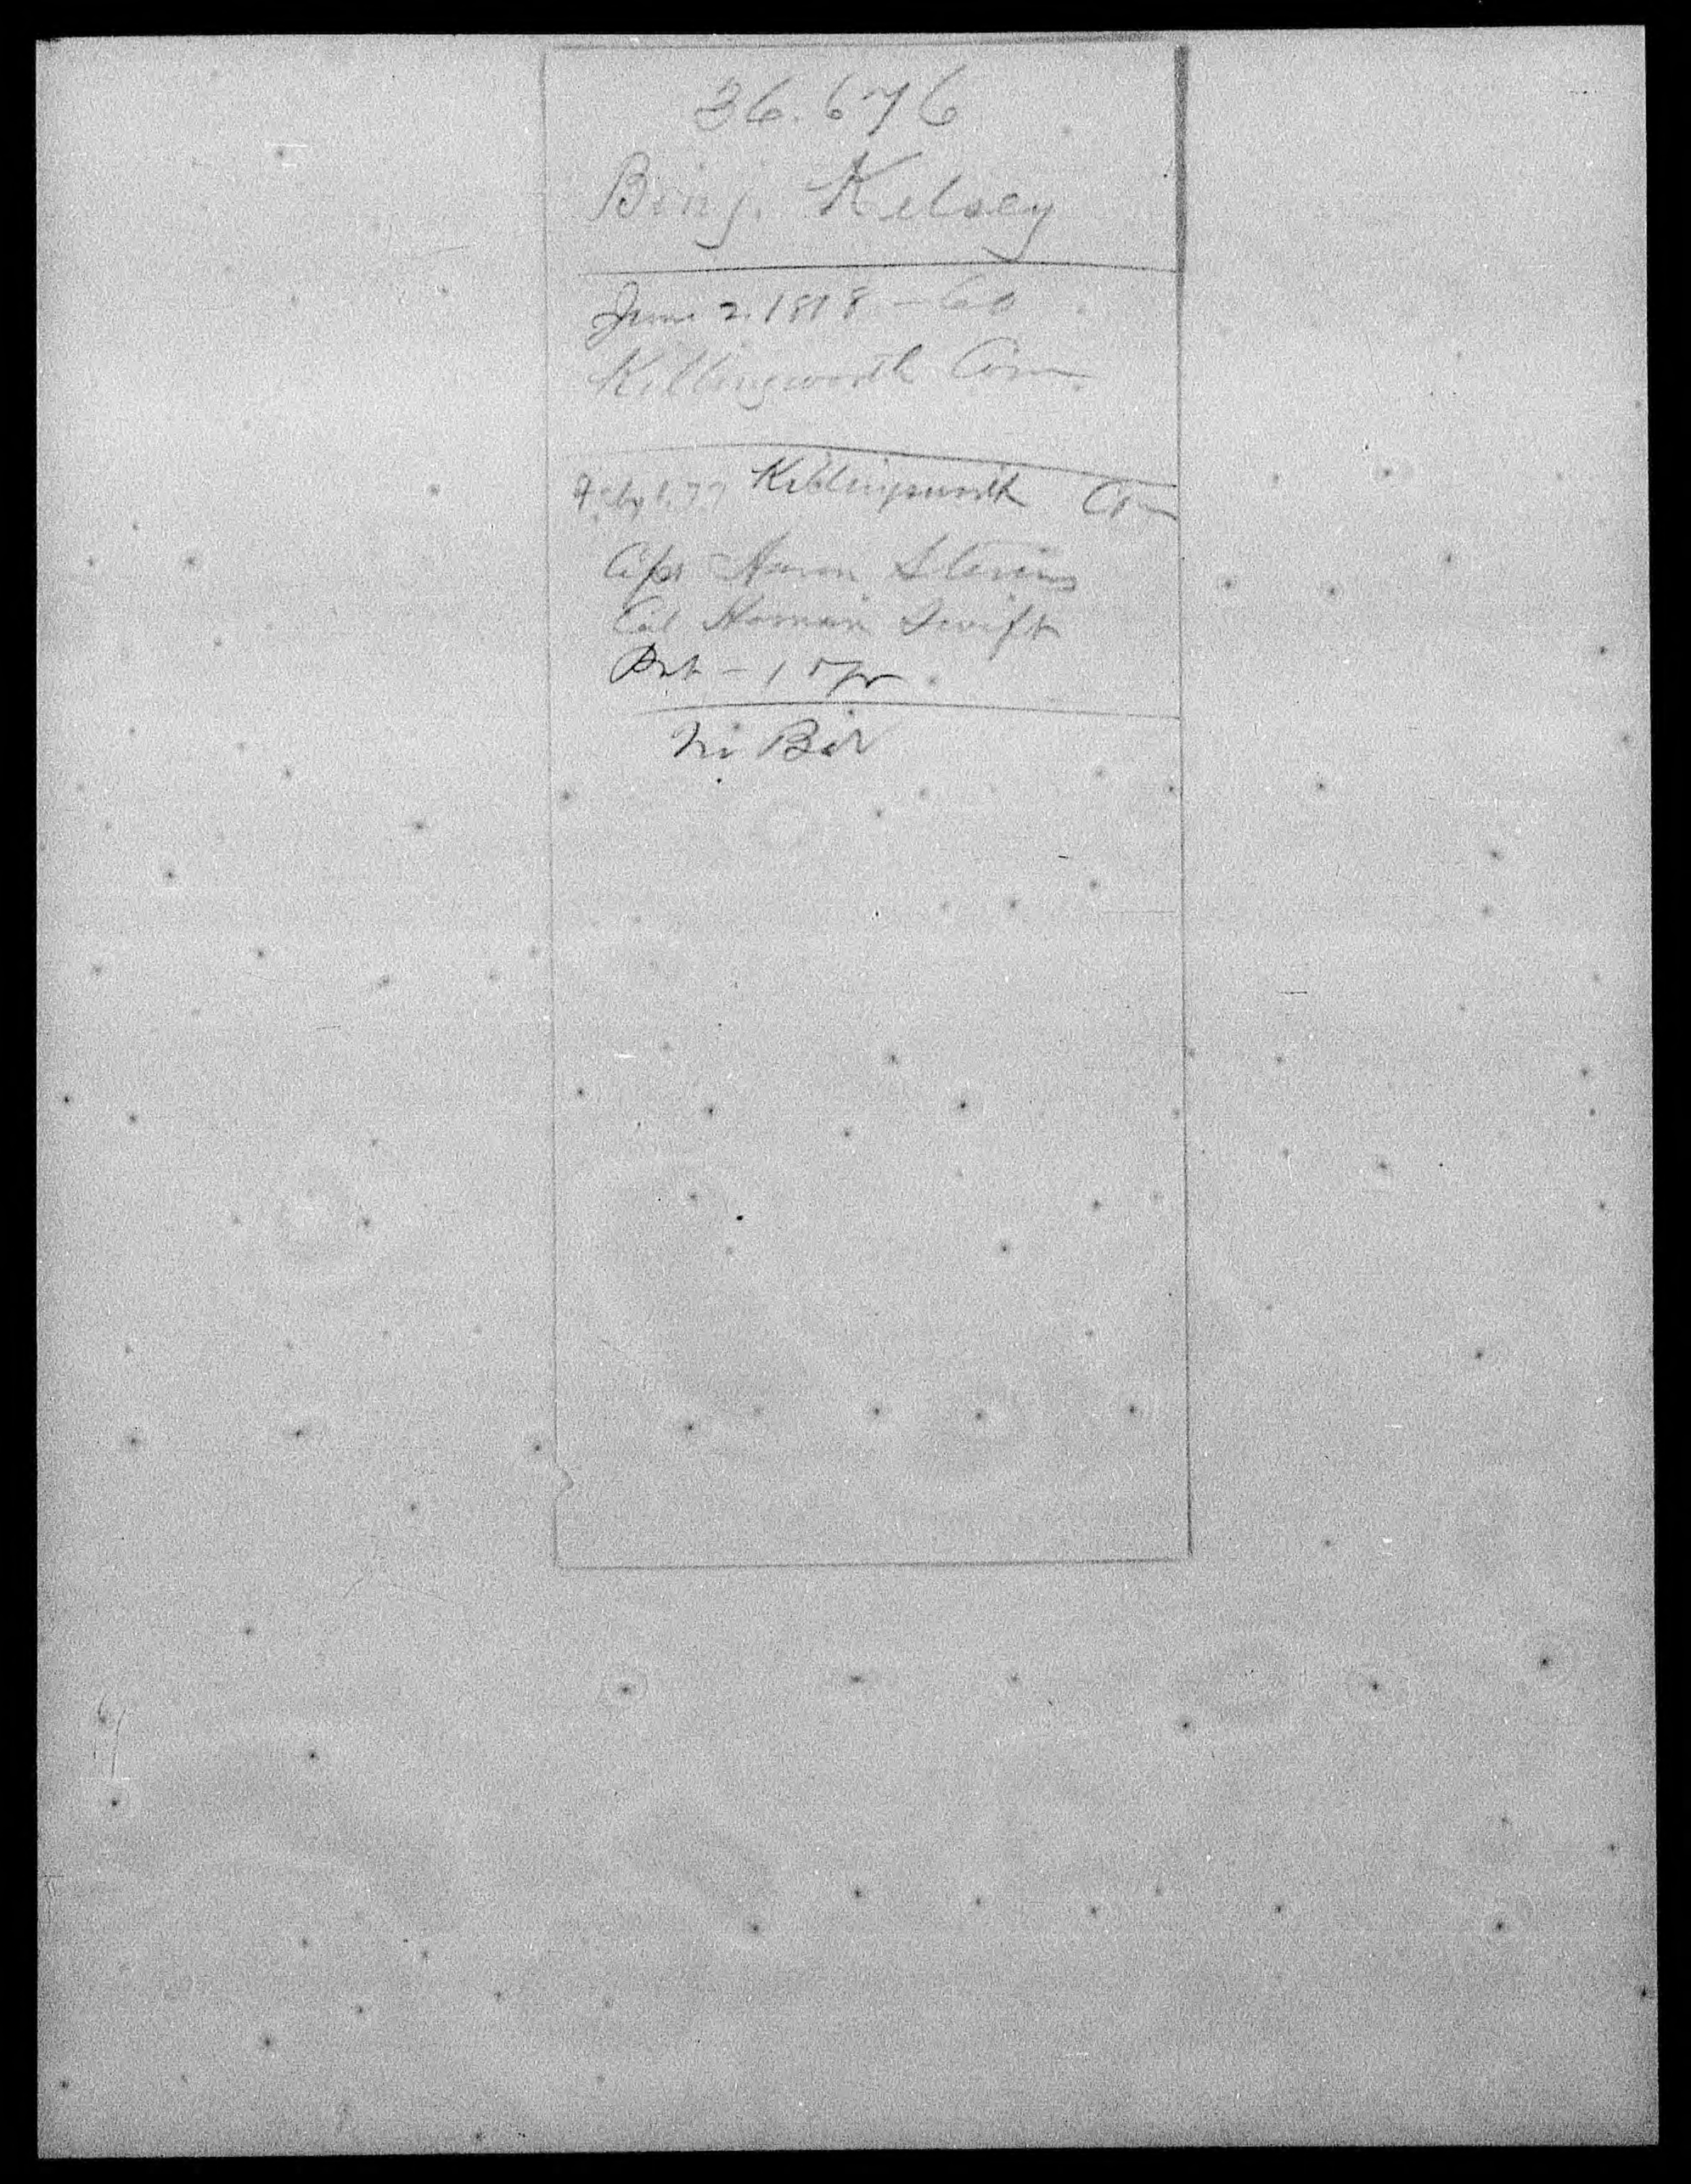36676
Benj. Kelsey 
June 2 1818 Ct.
Killingworth Conn 
Feby 1 77 Killingworth Ct  
Cap Aaron Stevens
Col Heman Swift 
Pvt – 1 yr
[unreadable]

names: Heman Swift; Benj Kelsey; Aaron Stevins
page: 18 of 21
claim: survivor's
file: S. 36676, for Benjamin Kelsey, Connecticut